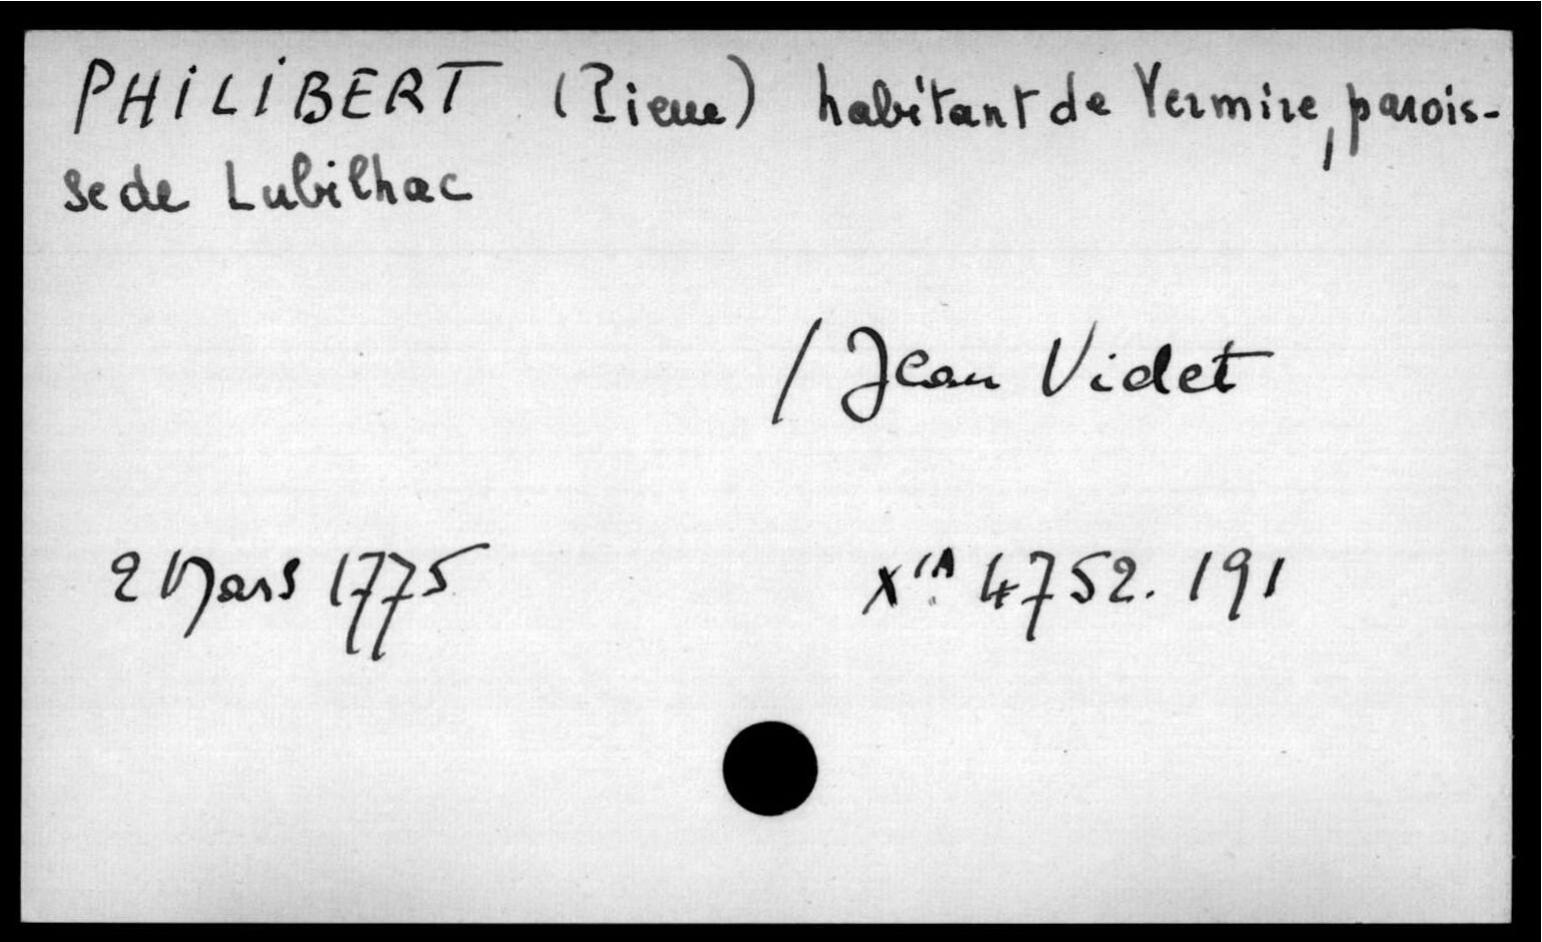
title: PHILIBERT (Pierre) habitant de Vermire, paroisse de Lubilhac
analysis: Contre Jean Videt
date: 2 mars 1775
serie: X1A
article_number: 4752
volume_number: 191
